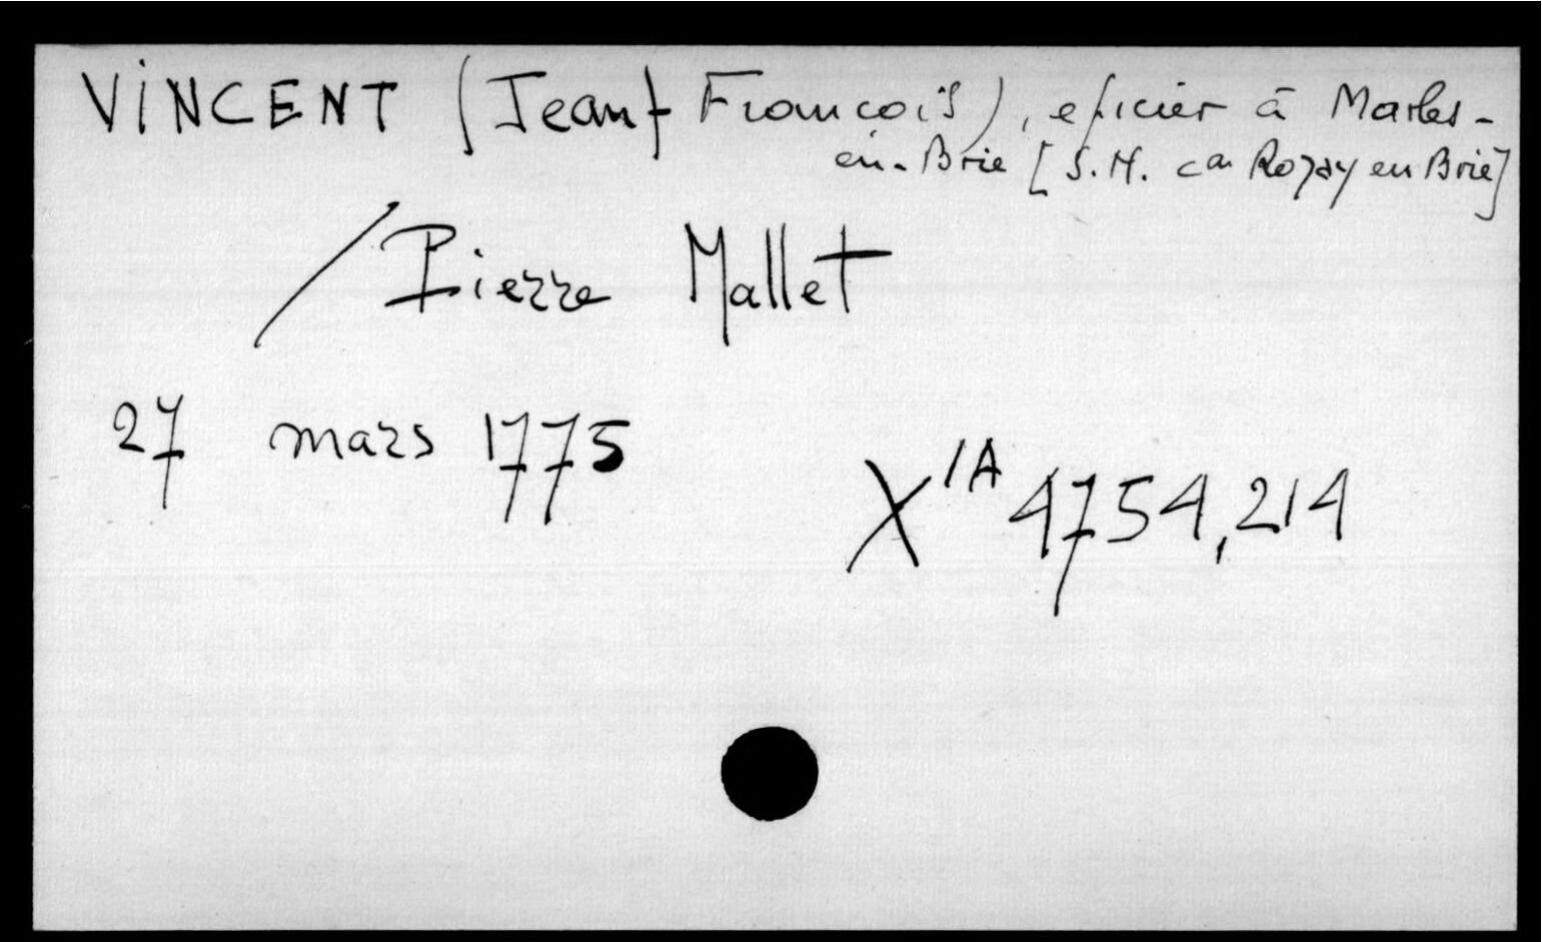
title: VINCENT (Jean François), epicier à Marles en-Brie [S.M. canton Rozay en Brie]
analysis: Contre Pierre Mallet
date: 27 mars 1775
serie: X1A
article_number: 4754
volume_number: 214
